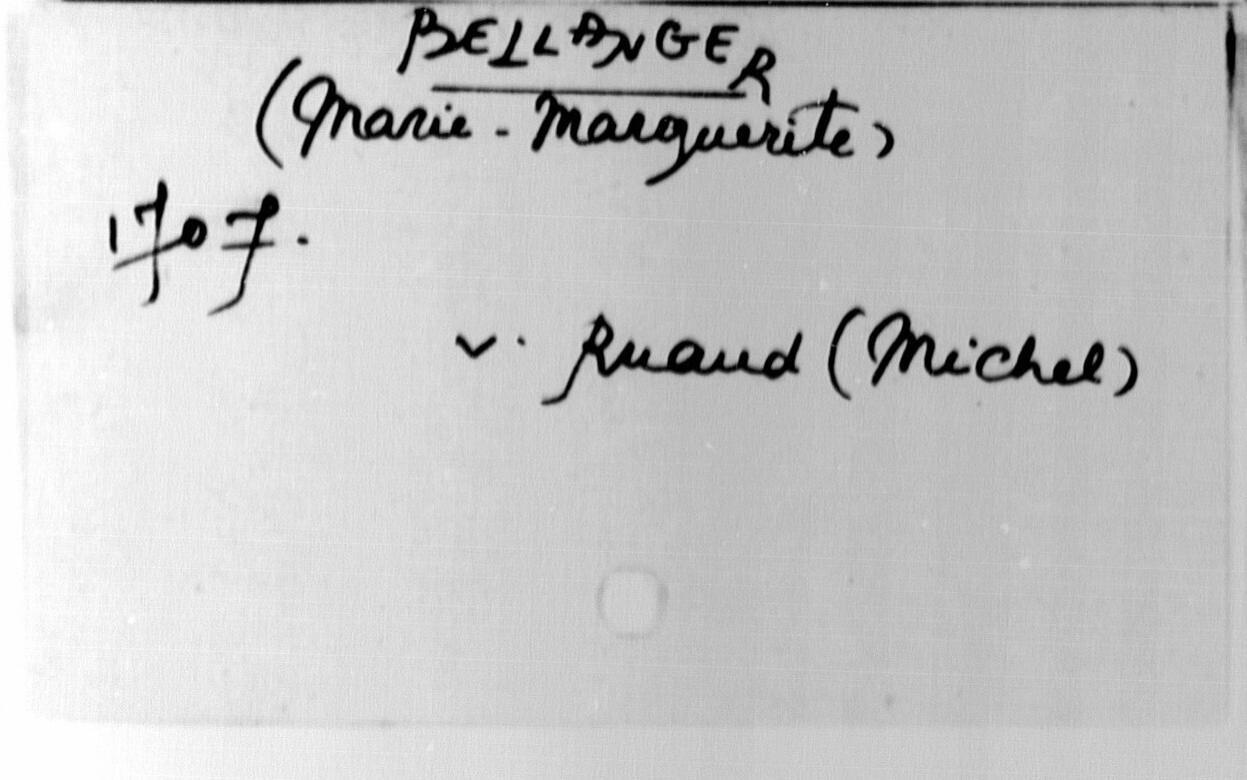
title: BELLANGER (Marie-Marguerite)
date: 1707
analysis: Voir RUAUD (Michel)
